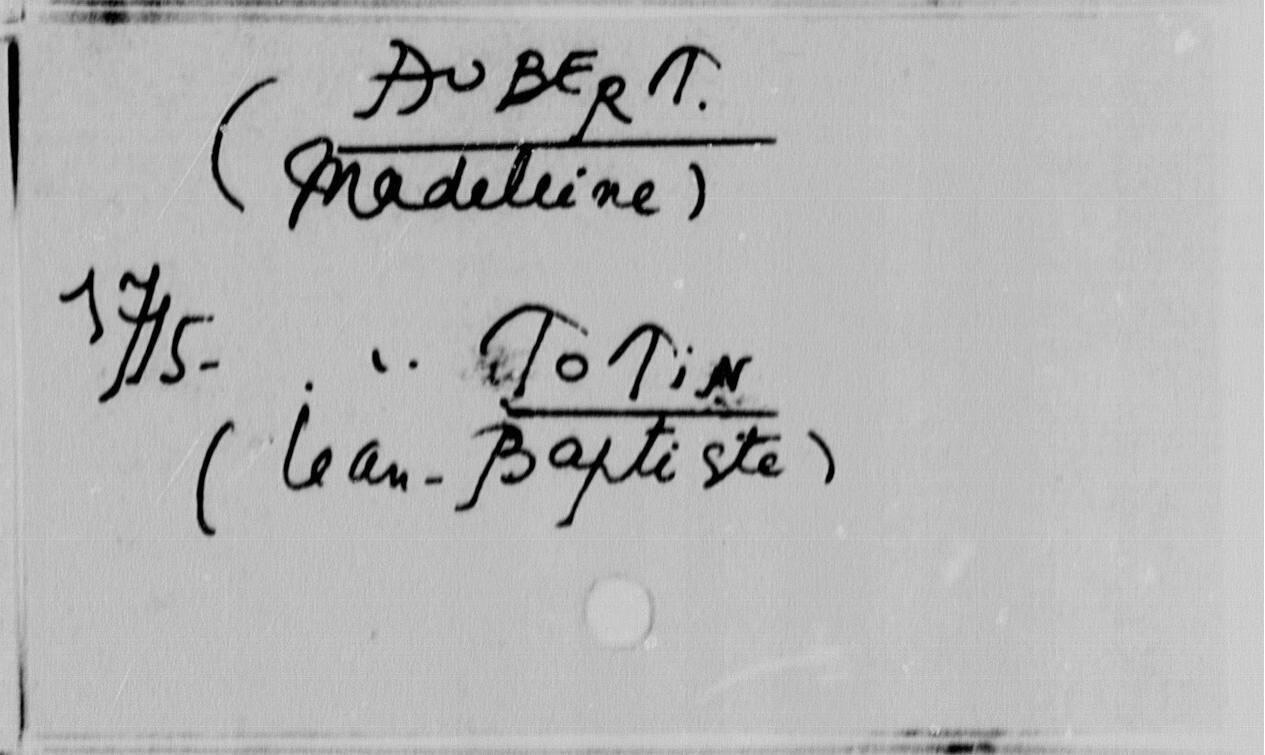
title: AUBERT (Madeleine)
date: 1715
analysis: Voir TOTIN (Jean-Baptiste)
